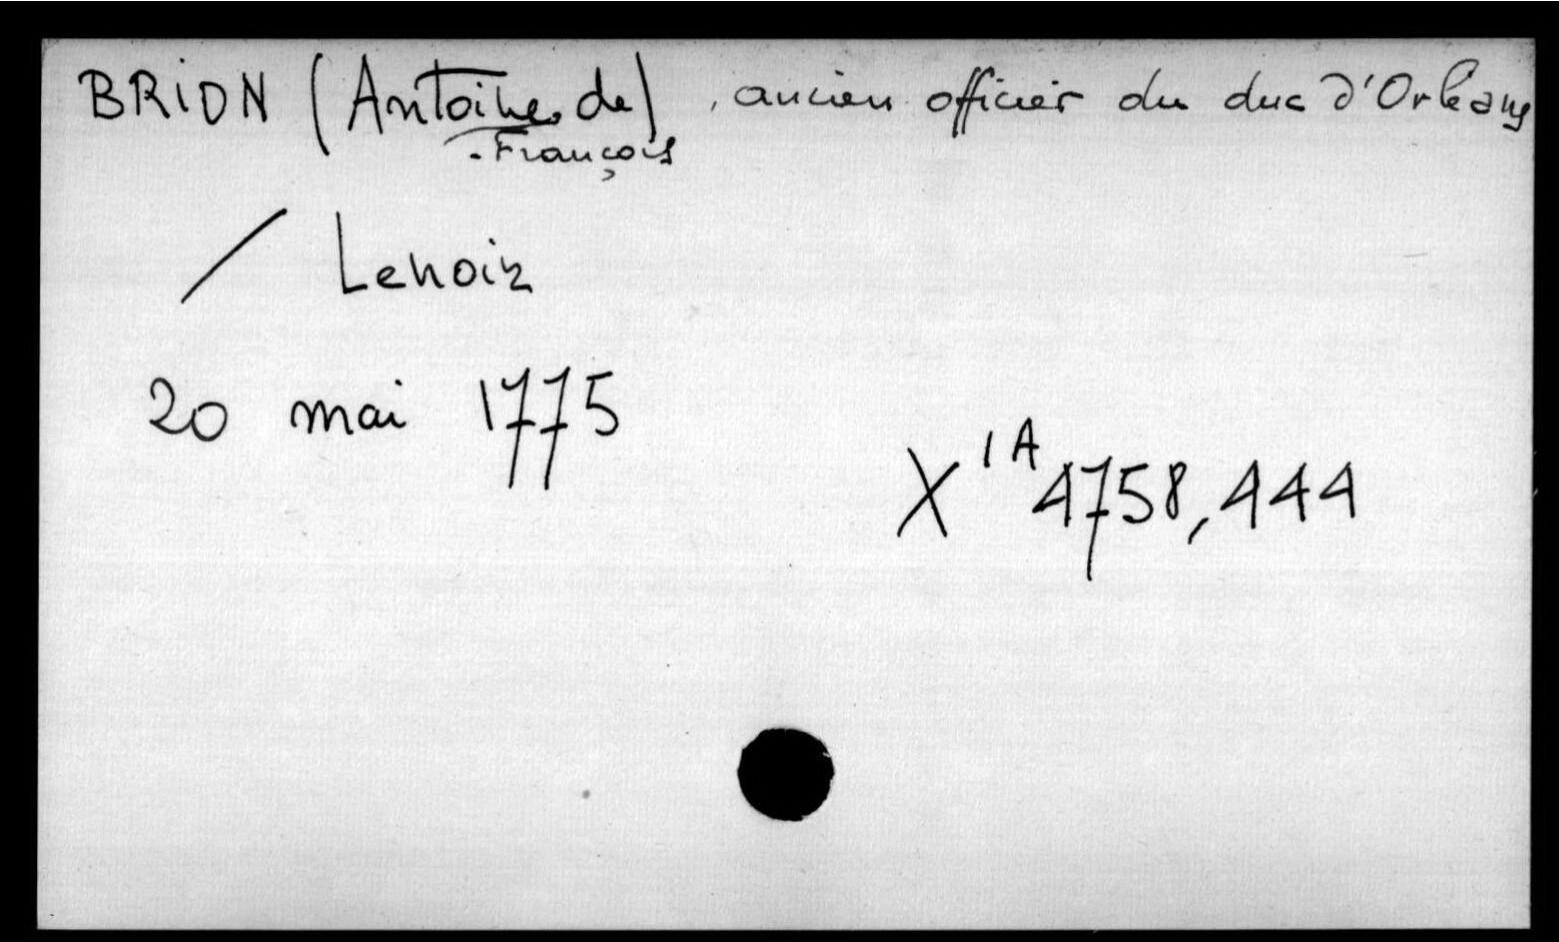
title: BRION (Antoine François de), ancien officier du duc d'Orléans
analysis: Contre Lenoir
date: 20 mai 1775
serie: X1A
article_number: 4758
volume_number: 444
